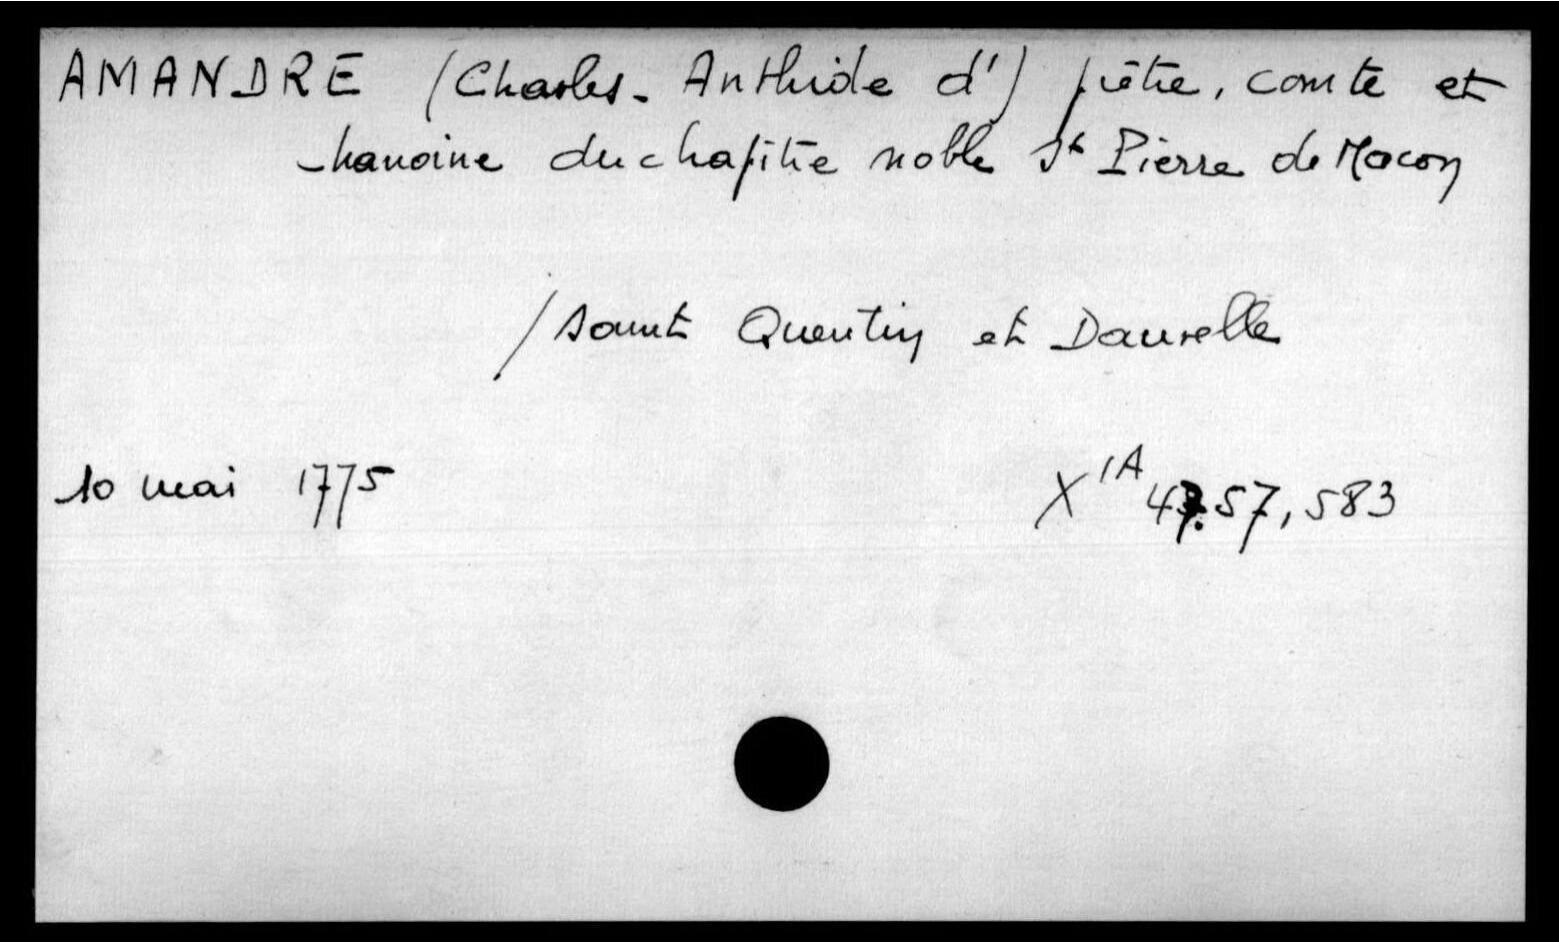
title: AMANDRE (Charles-Anthide d') prêtre, comte et chanoine du chapitre noble Saint Pierre de Macon
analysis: Contre Saints Quentin et Daurelle
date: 10 mai 1775
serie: X1A
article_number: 4757
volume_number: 583
